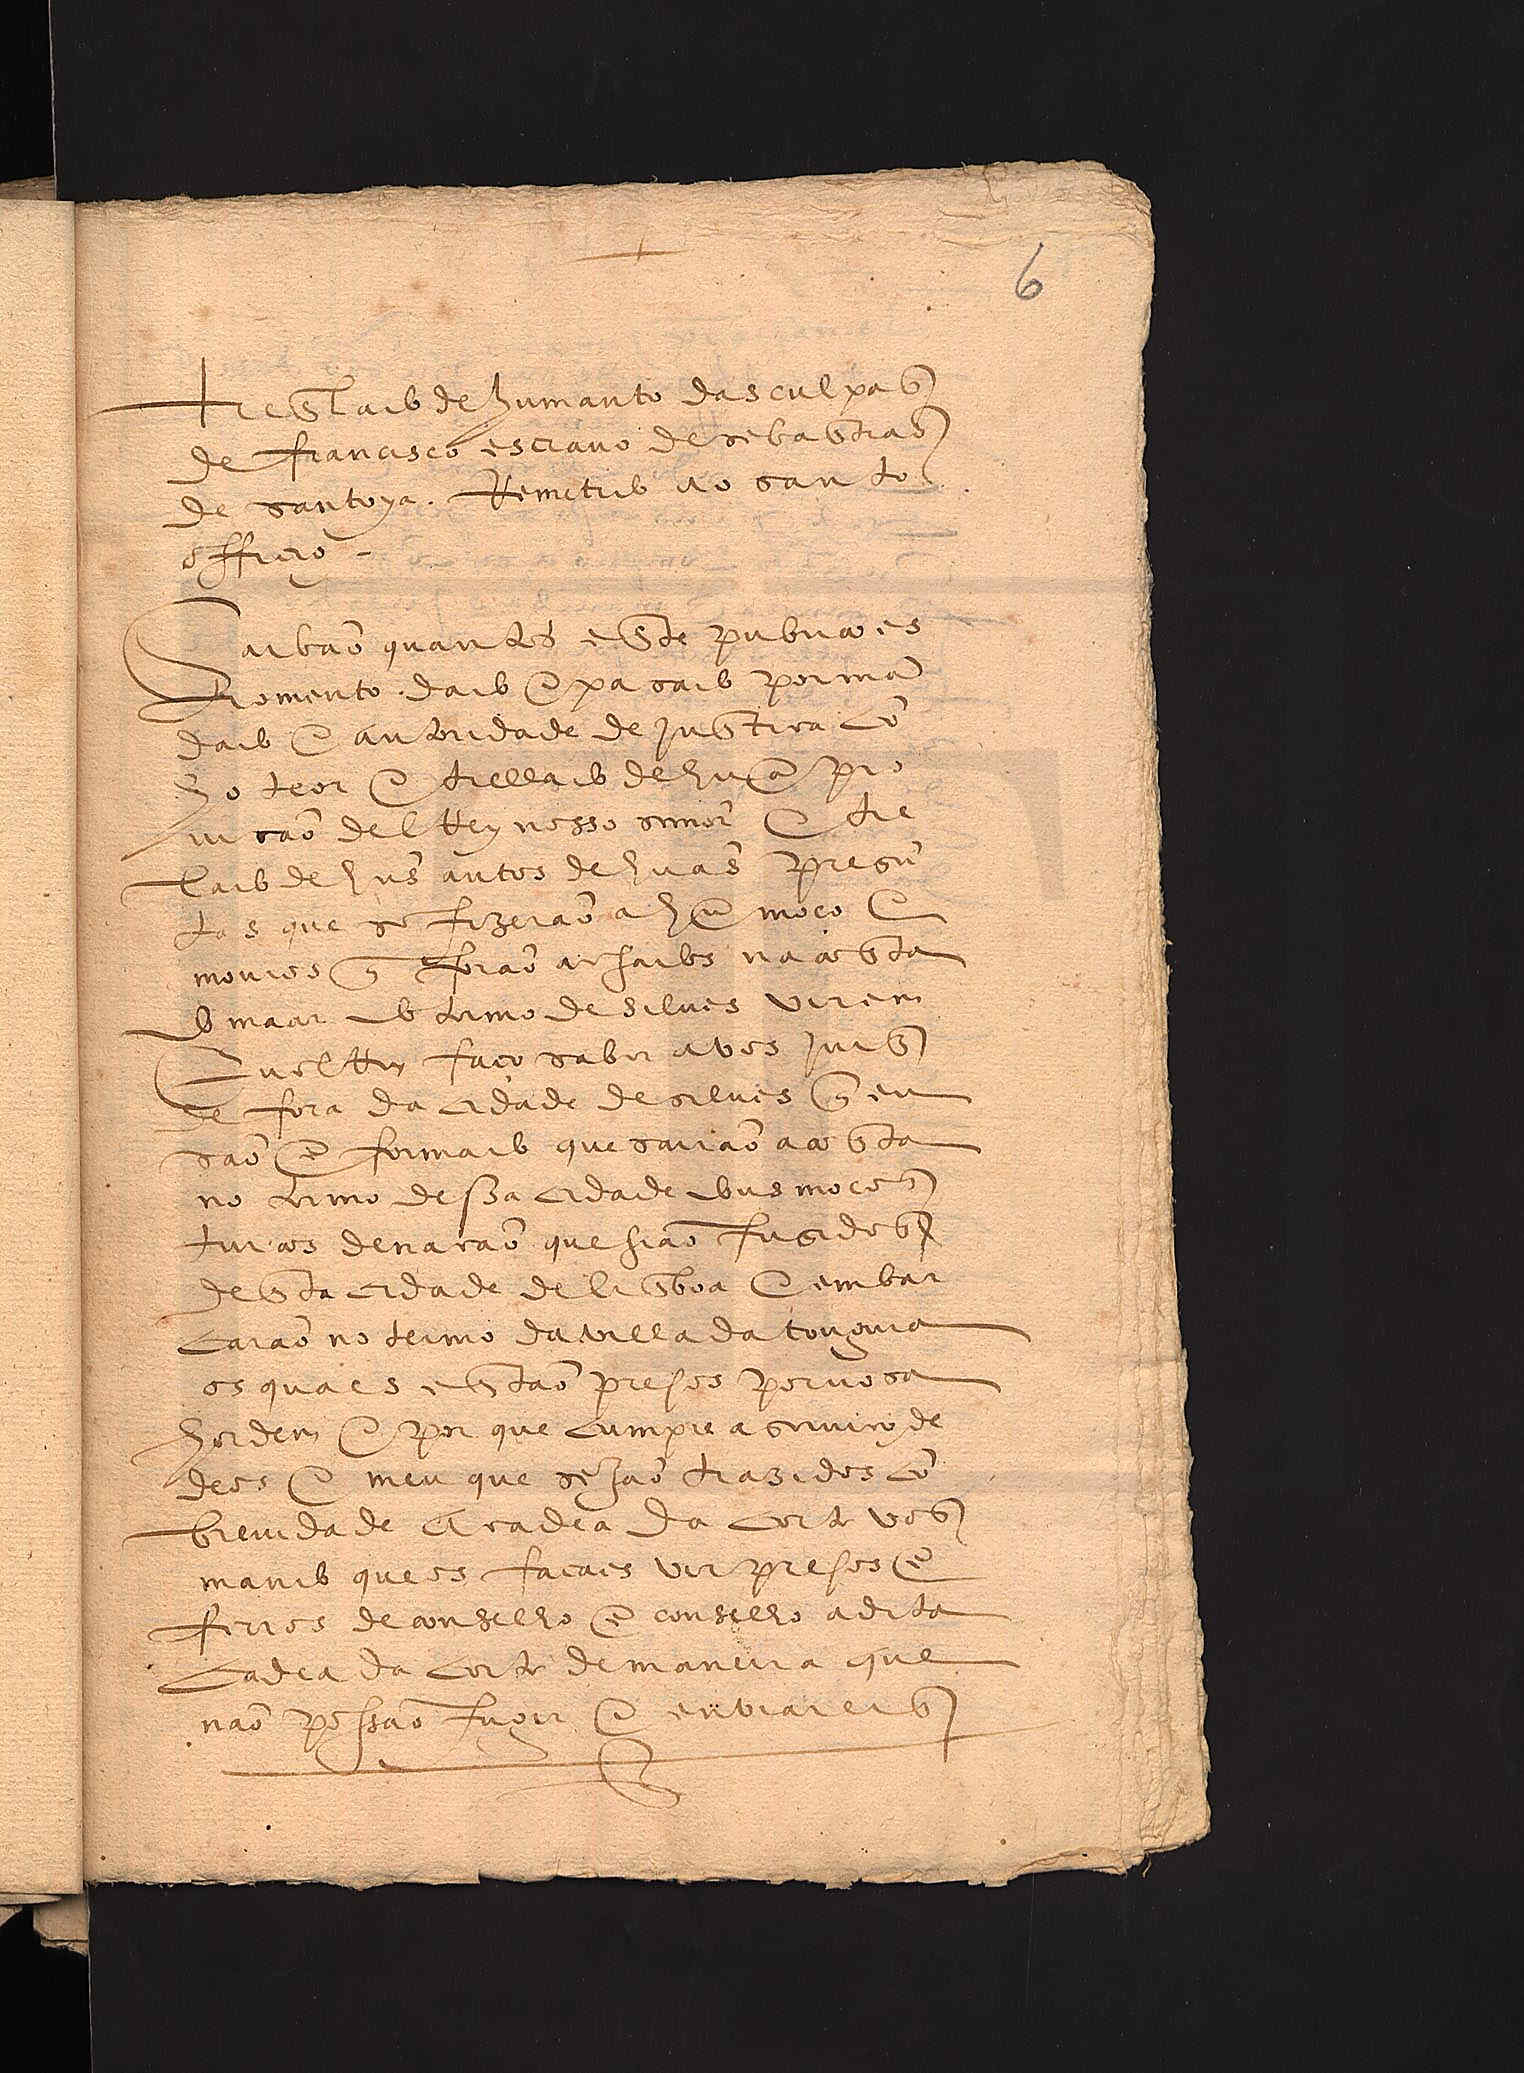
treslado de hum auto das culpas
de francisco escrauo de sebastiaõ
de santoya. Remetido ao santo
officio.
Saibaõ quantos este pubrico es
tromento dado e pasado por mā
dado e autoridade de justiça cō
ho teor e trellado de huā pro
uisaõ del Rey nosso snnor̄ e tre
lado de hus̄ autos de huas̄ pregū
tas que se fizeraõ a hū moço e
mouros q̄ foraõ achados na costa
do maar do termo de silues virem
Eu el Rey faço saber a vos juiz
de fora da cidade de silues q̄ eu
saõ ēformado que sairaõ a costa
no termo dessa cidade dous moços
turcos de naçaõ que hiaõ fugidos
desta cidade de lisboa e embar
caraõ no termo da villa datouguia
os quaes estaõ presos por uosa
hordem e porque cumpre a seruiço de
deos e meu que seJaõ trazidos cō
breuidade a cadea da corte vos
mando que os façaes vir presos ē
ferros de conselho ē conselho a dita
Cadea da corte de maneira que
naõ possaõ fugir e enviareis
